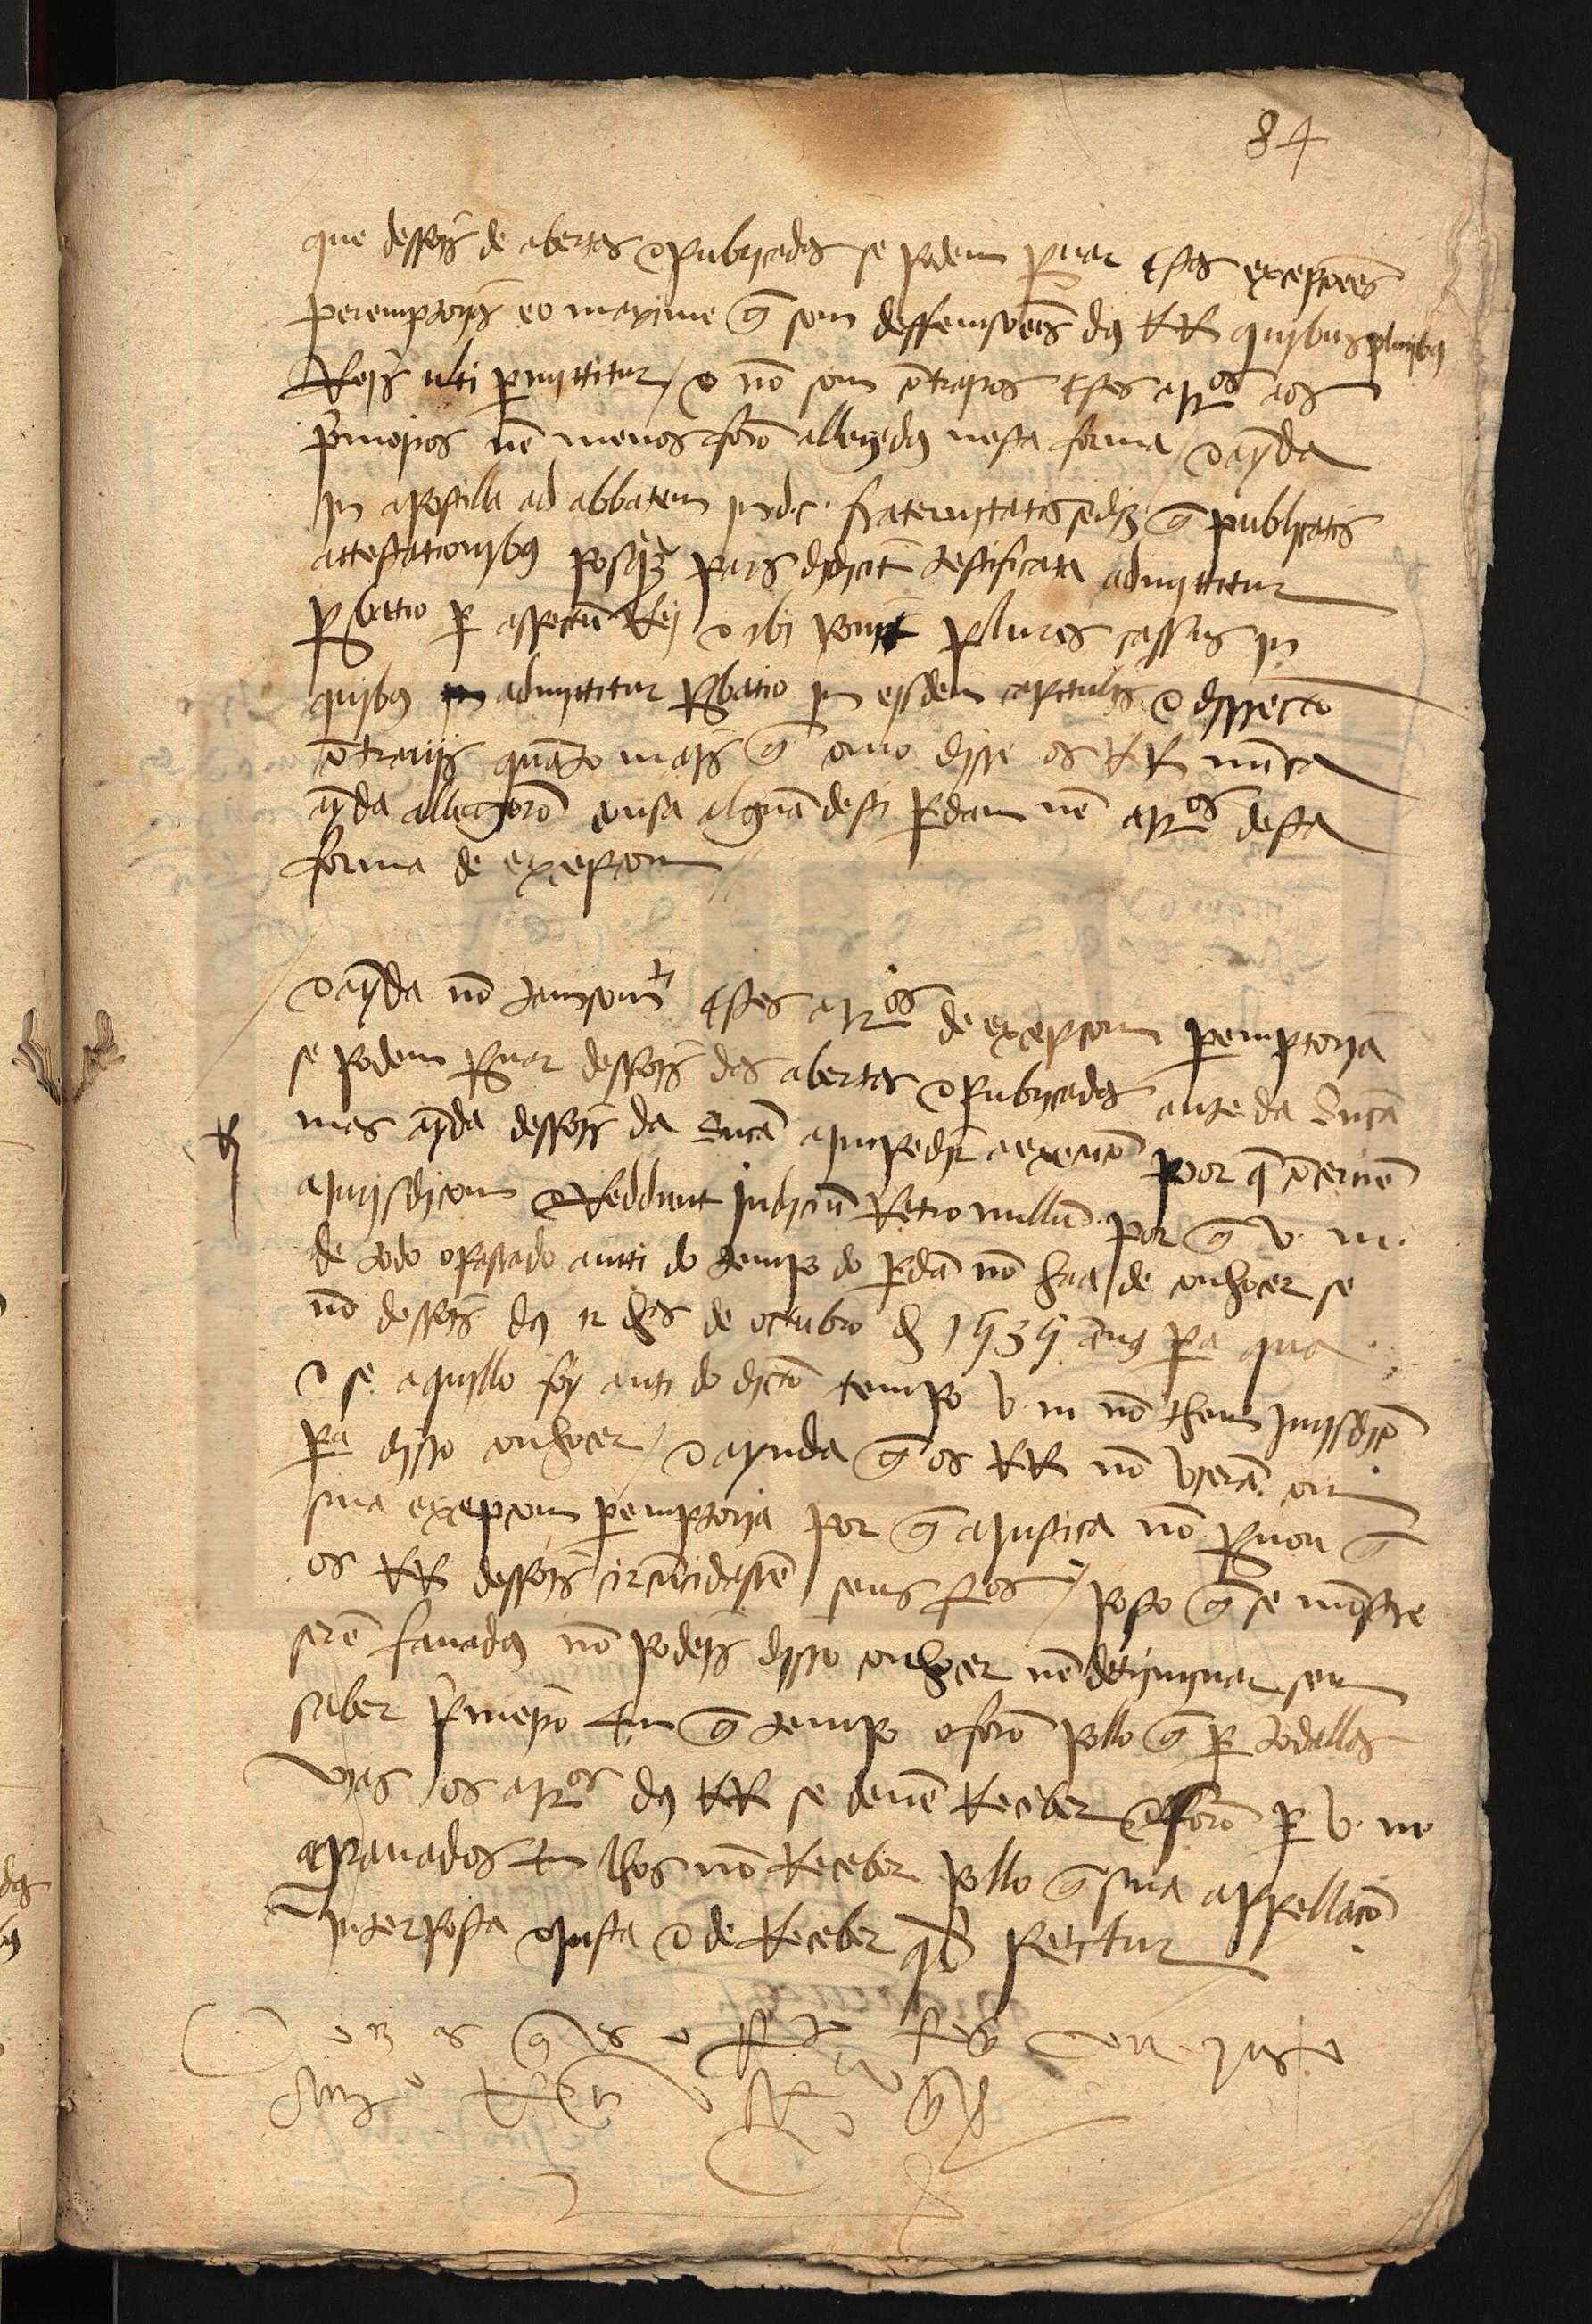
84
que despojs de abertas e pubrjcadas se podem ꝓuar Estas excepcõees
peremptorjas e o maxime q̄ som deffemsõees dꝯ RR qujbus plurjbꝯ
Rejs ulti ꝑmjttitur / e nō som c̄otrajros Estes artos aos
p̄mejros nē menos forō allegadꝯ nesta forma / e aȳda
jn apostilla ad abbatem jn .d.c. fraternjtatis sedjs q̄ publjcatis
attestationjbꝯ posꝙ̄ pars djdjcit testificata admjttitur
ꝓbatio ꝑ aspectū Rej e ibi ponjt plures cassus jn
qujbꝯ jn admjttitur ꝓbatio jn ejsdem capitulis e djrrec̄to
c̄otrarijs quāto majs q̄ como djsse os RR nūca
āyda allegar̄o cousa alguā desti ꝑdam nē artos desta
forma de excepcom //
e aȳda n̄o tamsomte Estes artos de excepcom ꝑemptorja
se podem ꝓuar despojs das abertas e pubrjcadas ante da Snç̄a
mas āyda despojs da Snçā a jmpedjr a execuc̄o porq̄ c̄ocernē
a jurjsdjcom e Reddunt Judjciū Retro nullū porq̄ v. m.
de todo o passado antti do tempo do ꝑdam nō haa de conhocer se
n̄o despojs dꝯ 12 djas de octubro dj 1535 ānꝯ ꝑa qua
e se aqujllo foy anti do djc̄to tempo v. m. n̄o them Jurjsdjc̄o
ꝑa djsso conhocer / e aynda q̄ os RR nō vjerā com
sua excepcom ꝑemptorja porq̄ a Justica nō ꝓuou q̄
os RR despojs circ̄ucidassē seus fos / posto q̄ se mōstre
serē fanadꝯ nō podejs djsso conhocer nē detrjmjnar sem
saber p̄mejro Em q̄ tempo o forō pollo q̄ ꝑ todallas
vjas os artos dꝯ RR se deuē Receber e forō ꝑ v. m.
agrauados Em lhos nō Receber pollo q̄ sua appelaç̄o
jnterposta e justa e de Receber qd' petitur
Com as q̄es o fto foy concruso
Anto Roīz o spivy
Co
